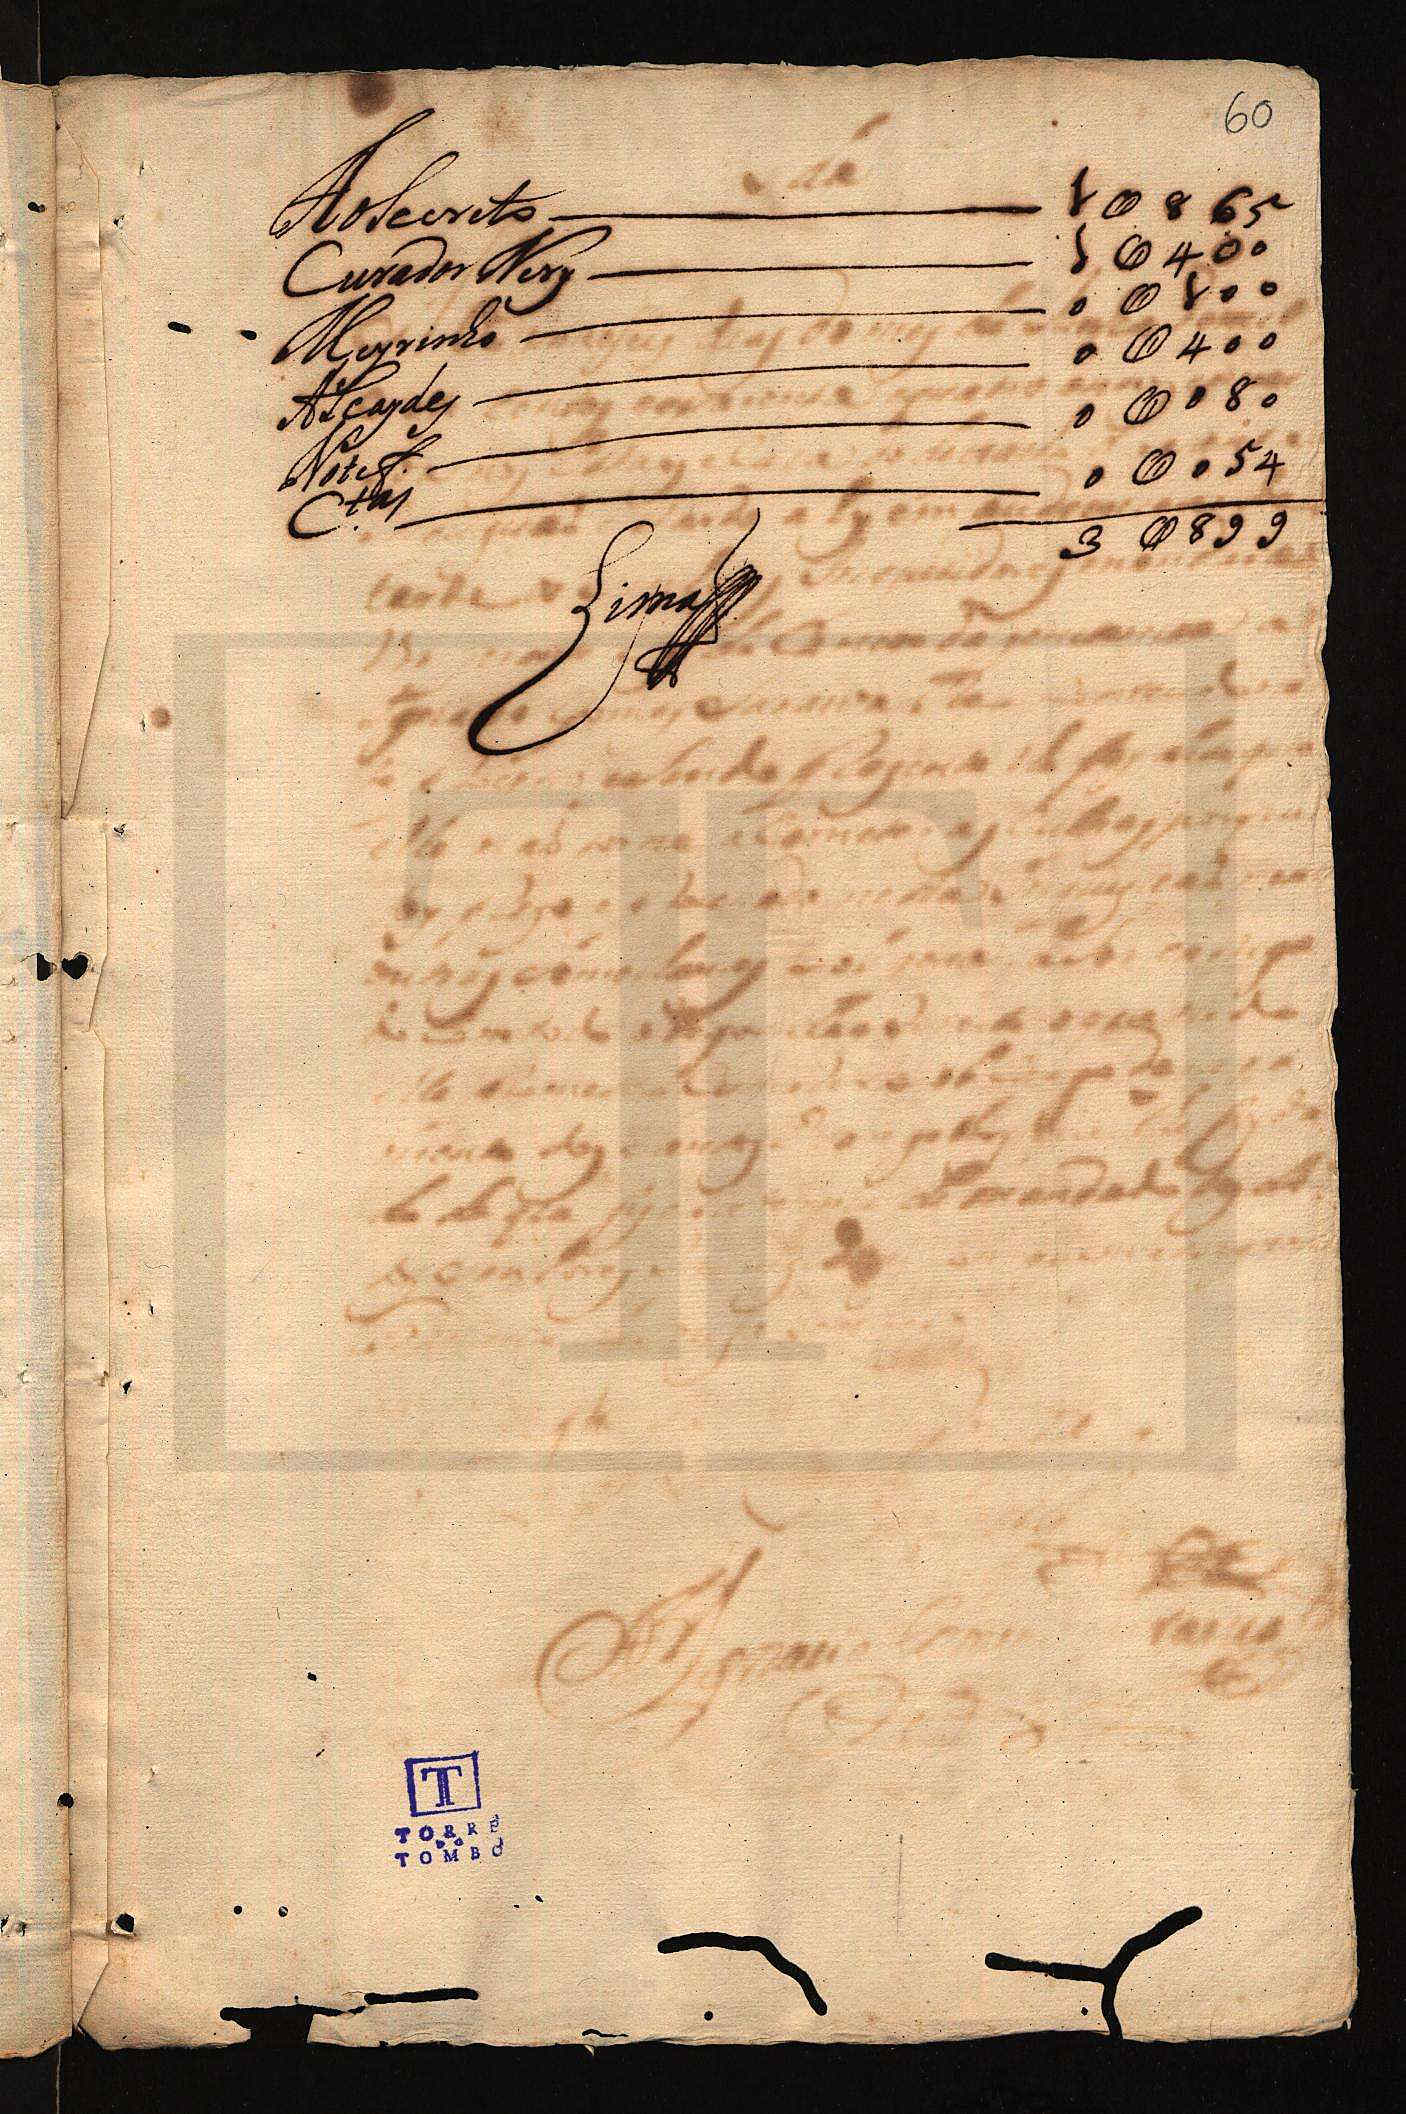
1$865
Ao Secreto.
1$400
Curador Nery
0$100
Meyrinho
0$400
0$080
Alcaydes
Notef.
0$054
C.tas
3$899
Lima
